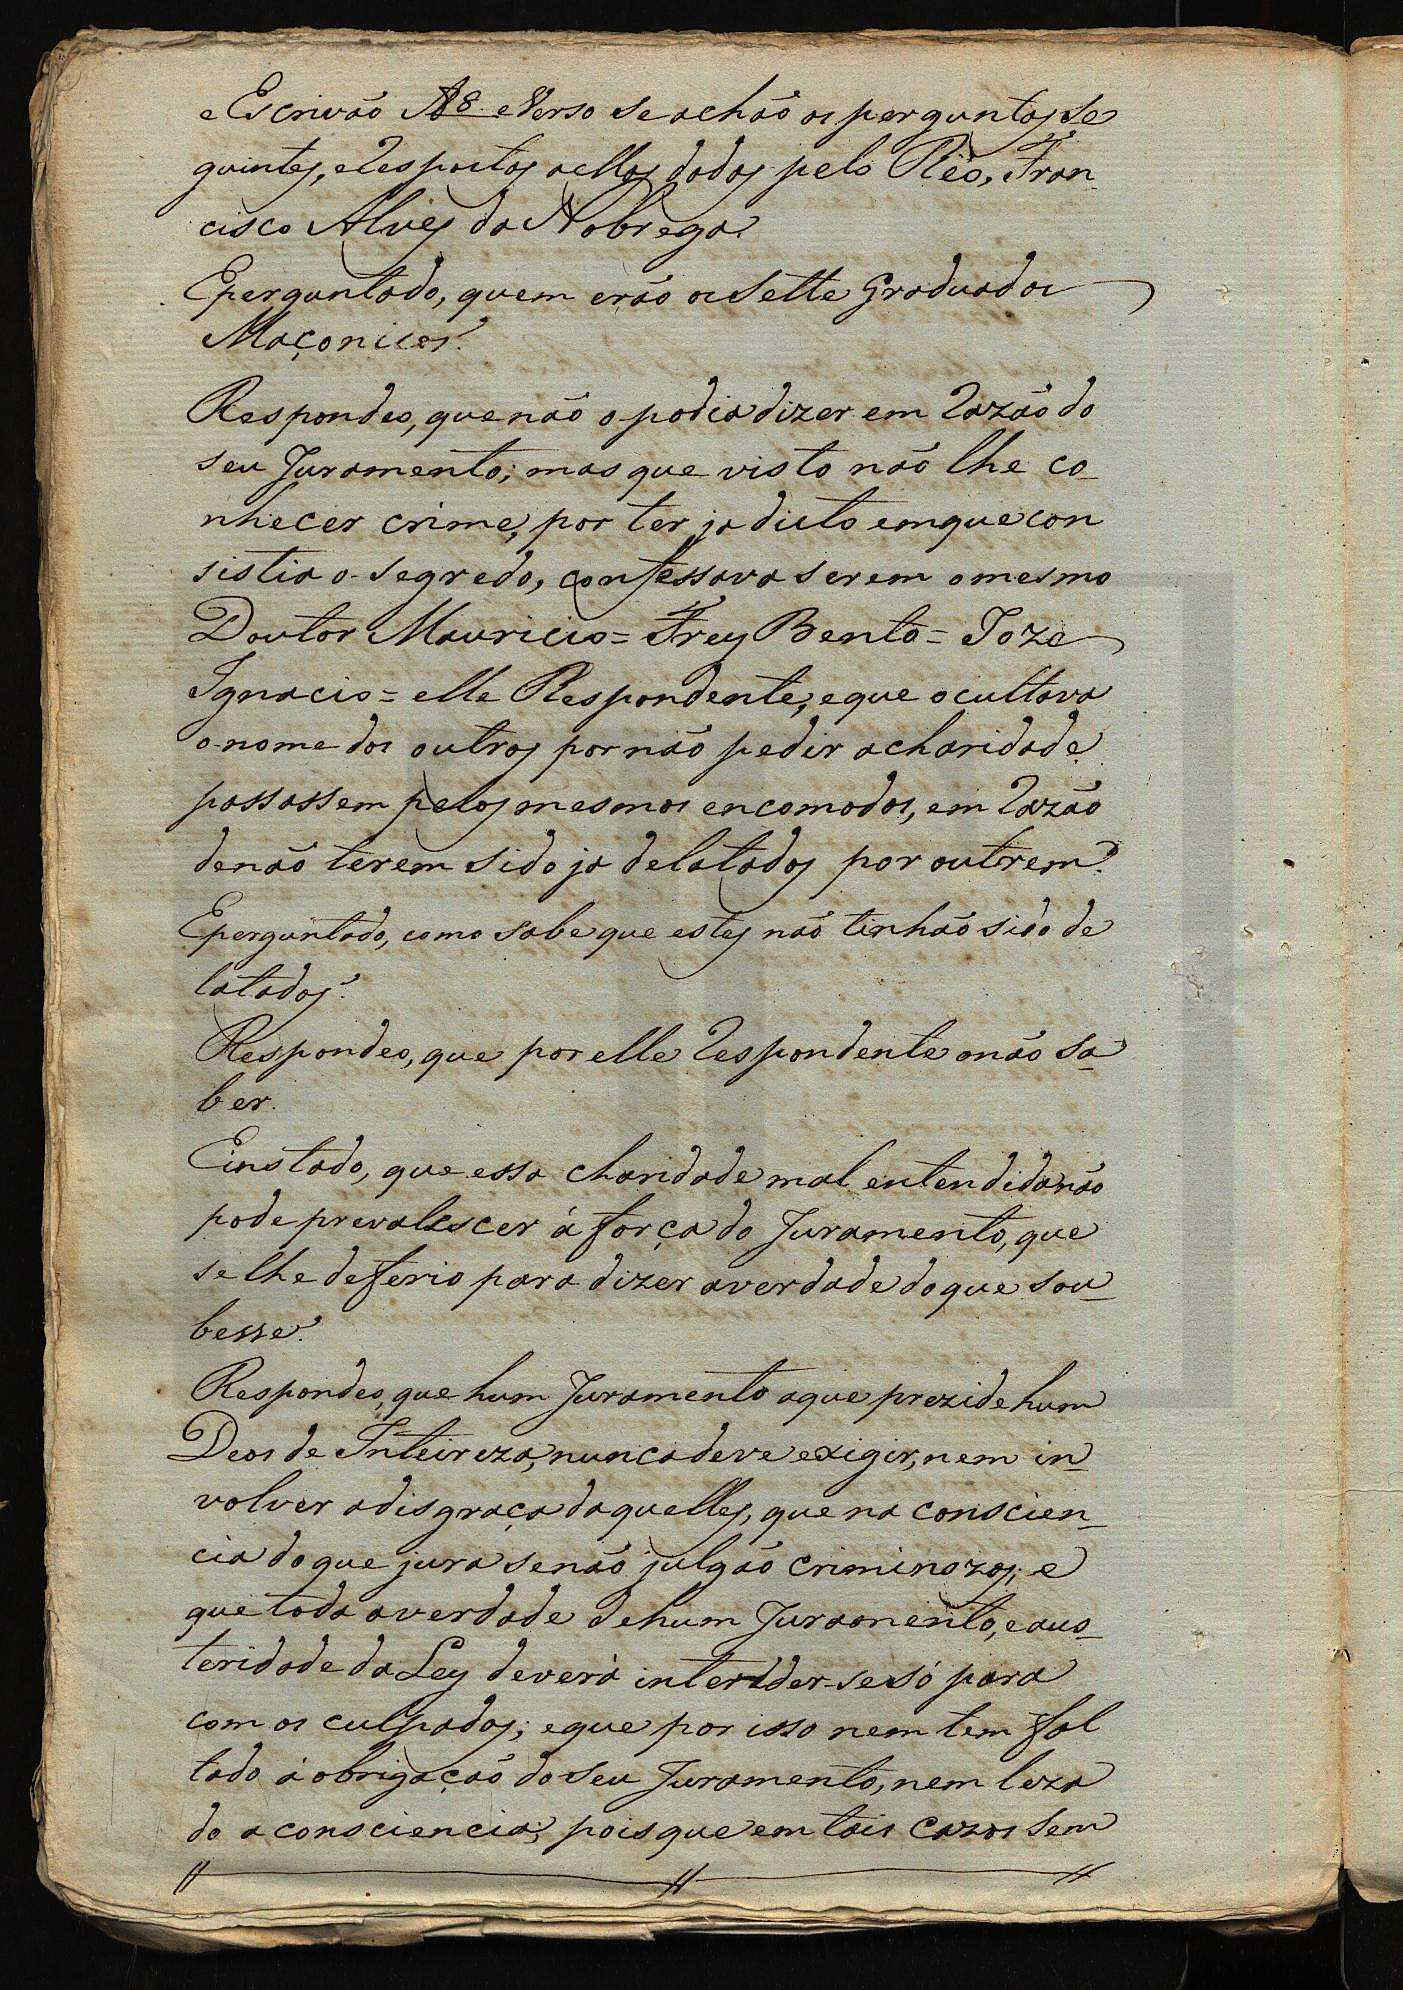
e Escrivaõ Af 8 e verso se achaõ as perguntas se
guintes, e respostas a ellas dadas pelo Réo, Fran
cisco Alves da Nobrega
E perguntado, quem eraõ os sette graduados
Maçonicos?
Respondeo, que naõ o podia dizer em razaõ do
seu Juramento, mas que visto naõ lhe co
nhecer crime, por ter ja dicto em que con
sistia o segredo, confessava serem o mesmo
Doutor Mauricio = Frey Bento = Joze
Ignacio = elle Repondente, e que ocultava
o nome dos outros por naõ pedir a charidade
passassem pelos mesmos encomodos, em razaõ
de naõ terem sido ja delatados por outrem.
E perguntado, como sabe que estes naõ tinhaõ sido de
latados?
Respondeo, que por elle respondente o naõ sa
ber.
E instado, que essa charidade mal entendida naõ
pode prevalescer à força do Juramento, que
se lhe deferio para dizer a verdade do que sou
besse.
Respondeo, que hum Juramento a que prezide hum
Deos de Inteireza, nunca deve exigir, nem in
volver a disgraça daquelles, que na conscien
cia do que jura senaõ julgaõ criminozos; e
que toda a verdade de hum Juramento, e aus
teridade da Ley deverà intender-se só para
com os culpados; e que por isso nem tem fal
tado à obrigaçaõ do seu Juramento, nem leza
do a consciencia; pois que em tais cazos sem
